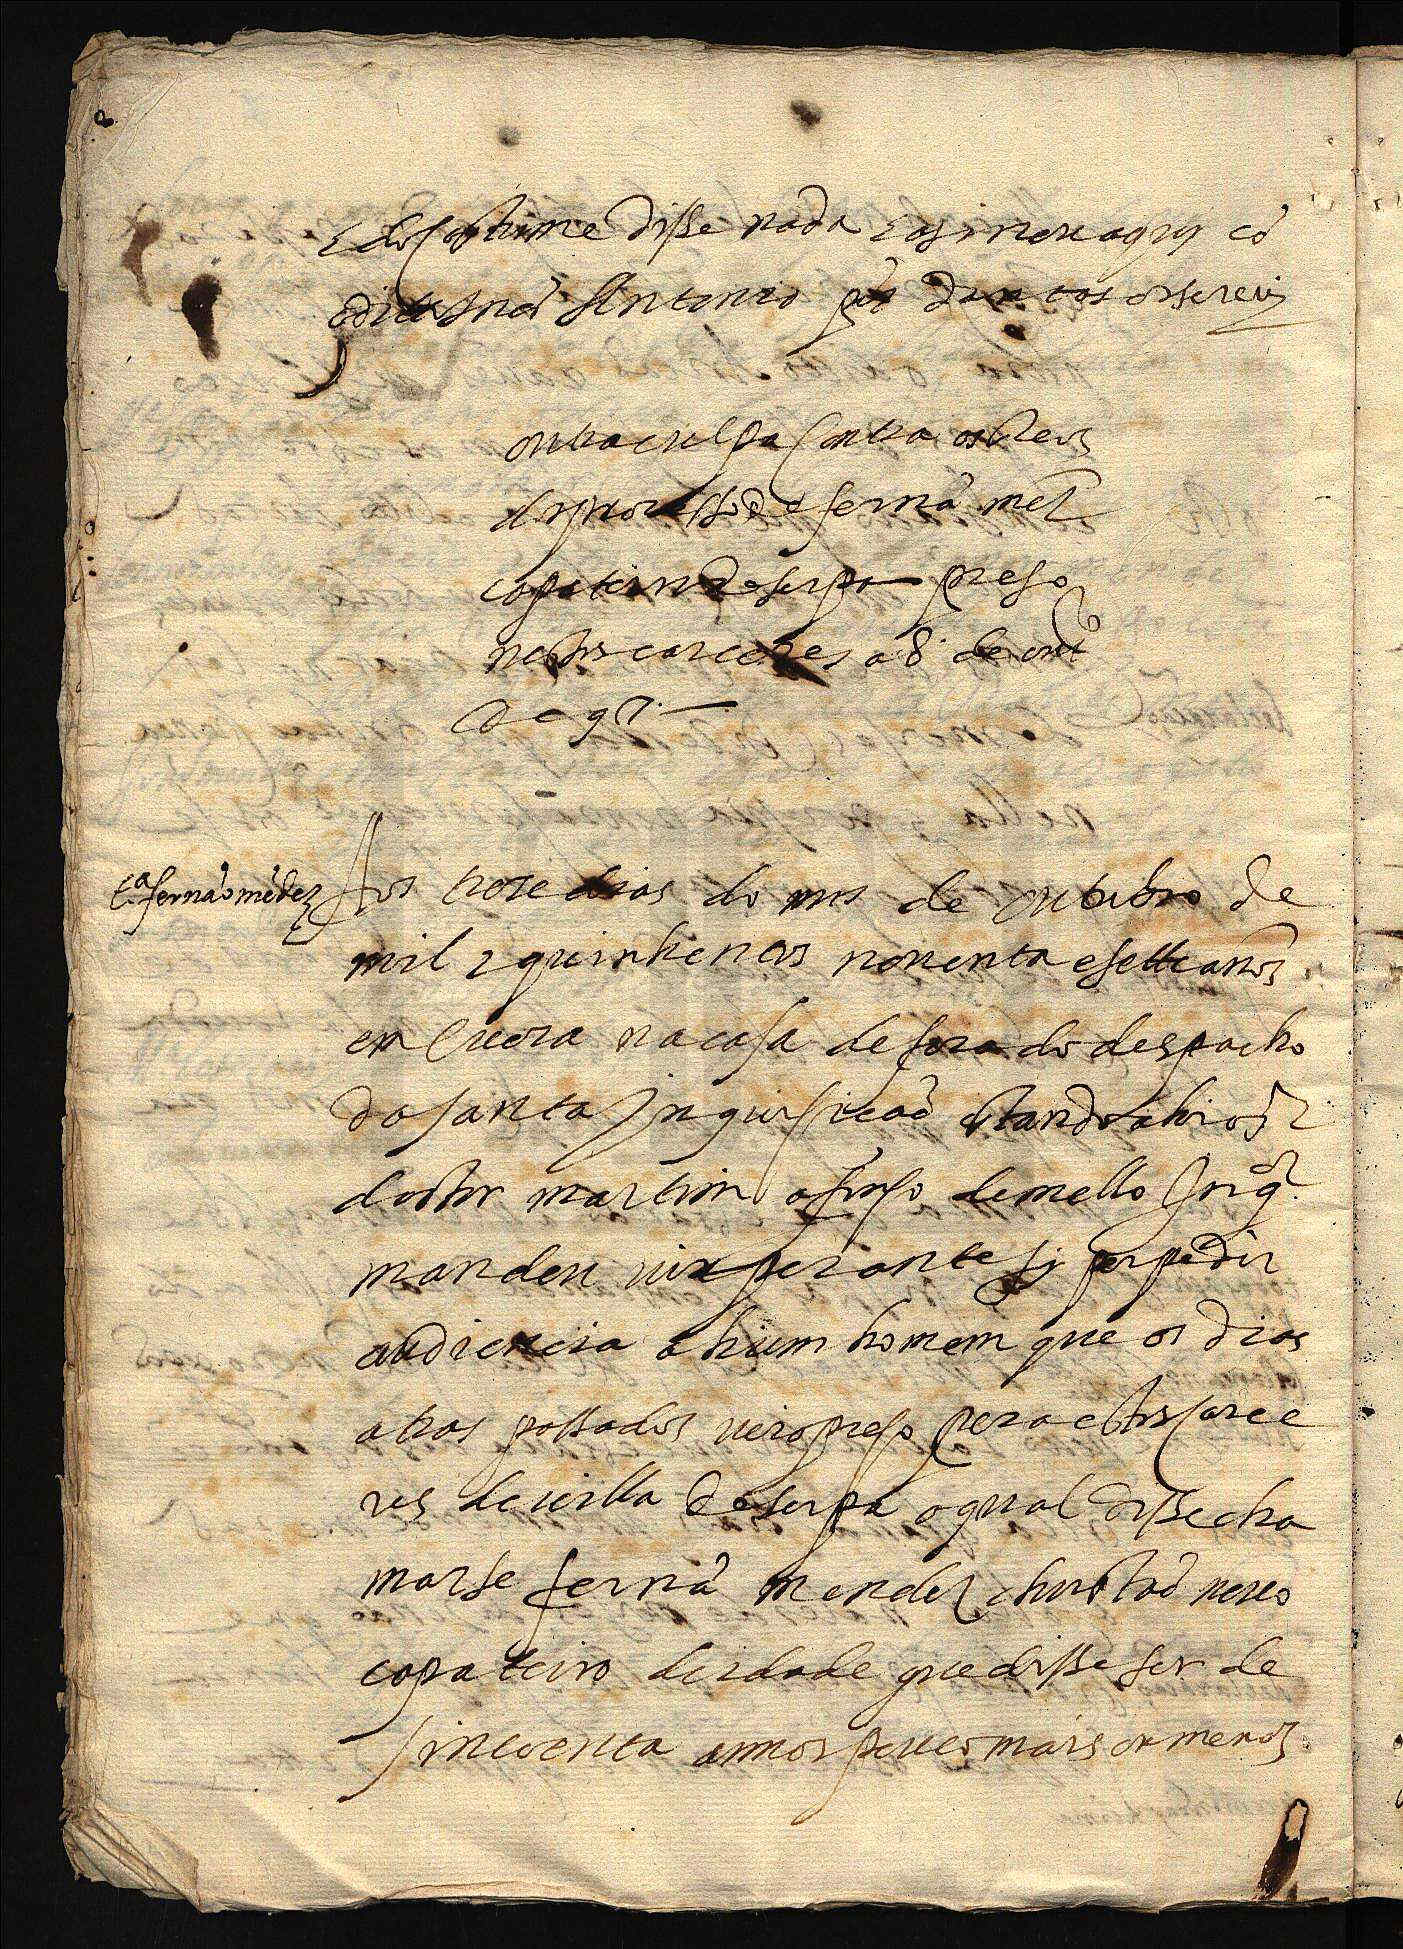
E do Costume disse nada E asinou aquj cō
o dito snor̄ Antonio piz̄ dantas o escreuj
outra culpa Contra os Reos
do processo de fernā mēz
capateiro de serpa preso
nestes carceres a 8 de outro
de 97
Aos treze dias do mes de outubro de
mil E quinhentos nouenta e sette anōs
em euora na casa de fora do despacho
da santa Jnquisiçaõ estando ahi o sor
doctor martim afonso de mello Jnqor
mandou uir perante sy por pedir
audiencia a hum homem que os dias
atras passados ueio preso pera estes Carce
res de uilla de serpa o qual disse cha
marse fernā mendez christaõ nouo
capateiro de idade que disse ser de
sincoenta annos pouco mais ou menos
t.a fernaõ mēdez
